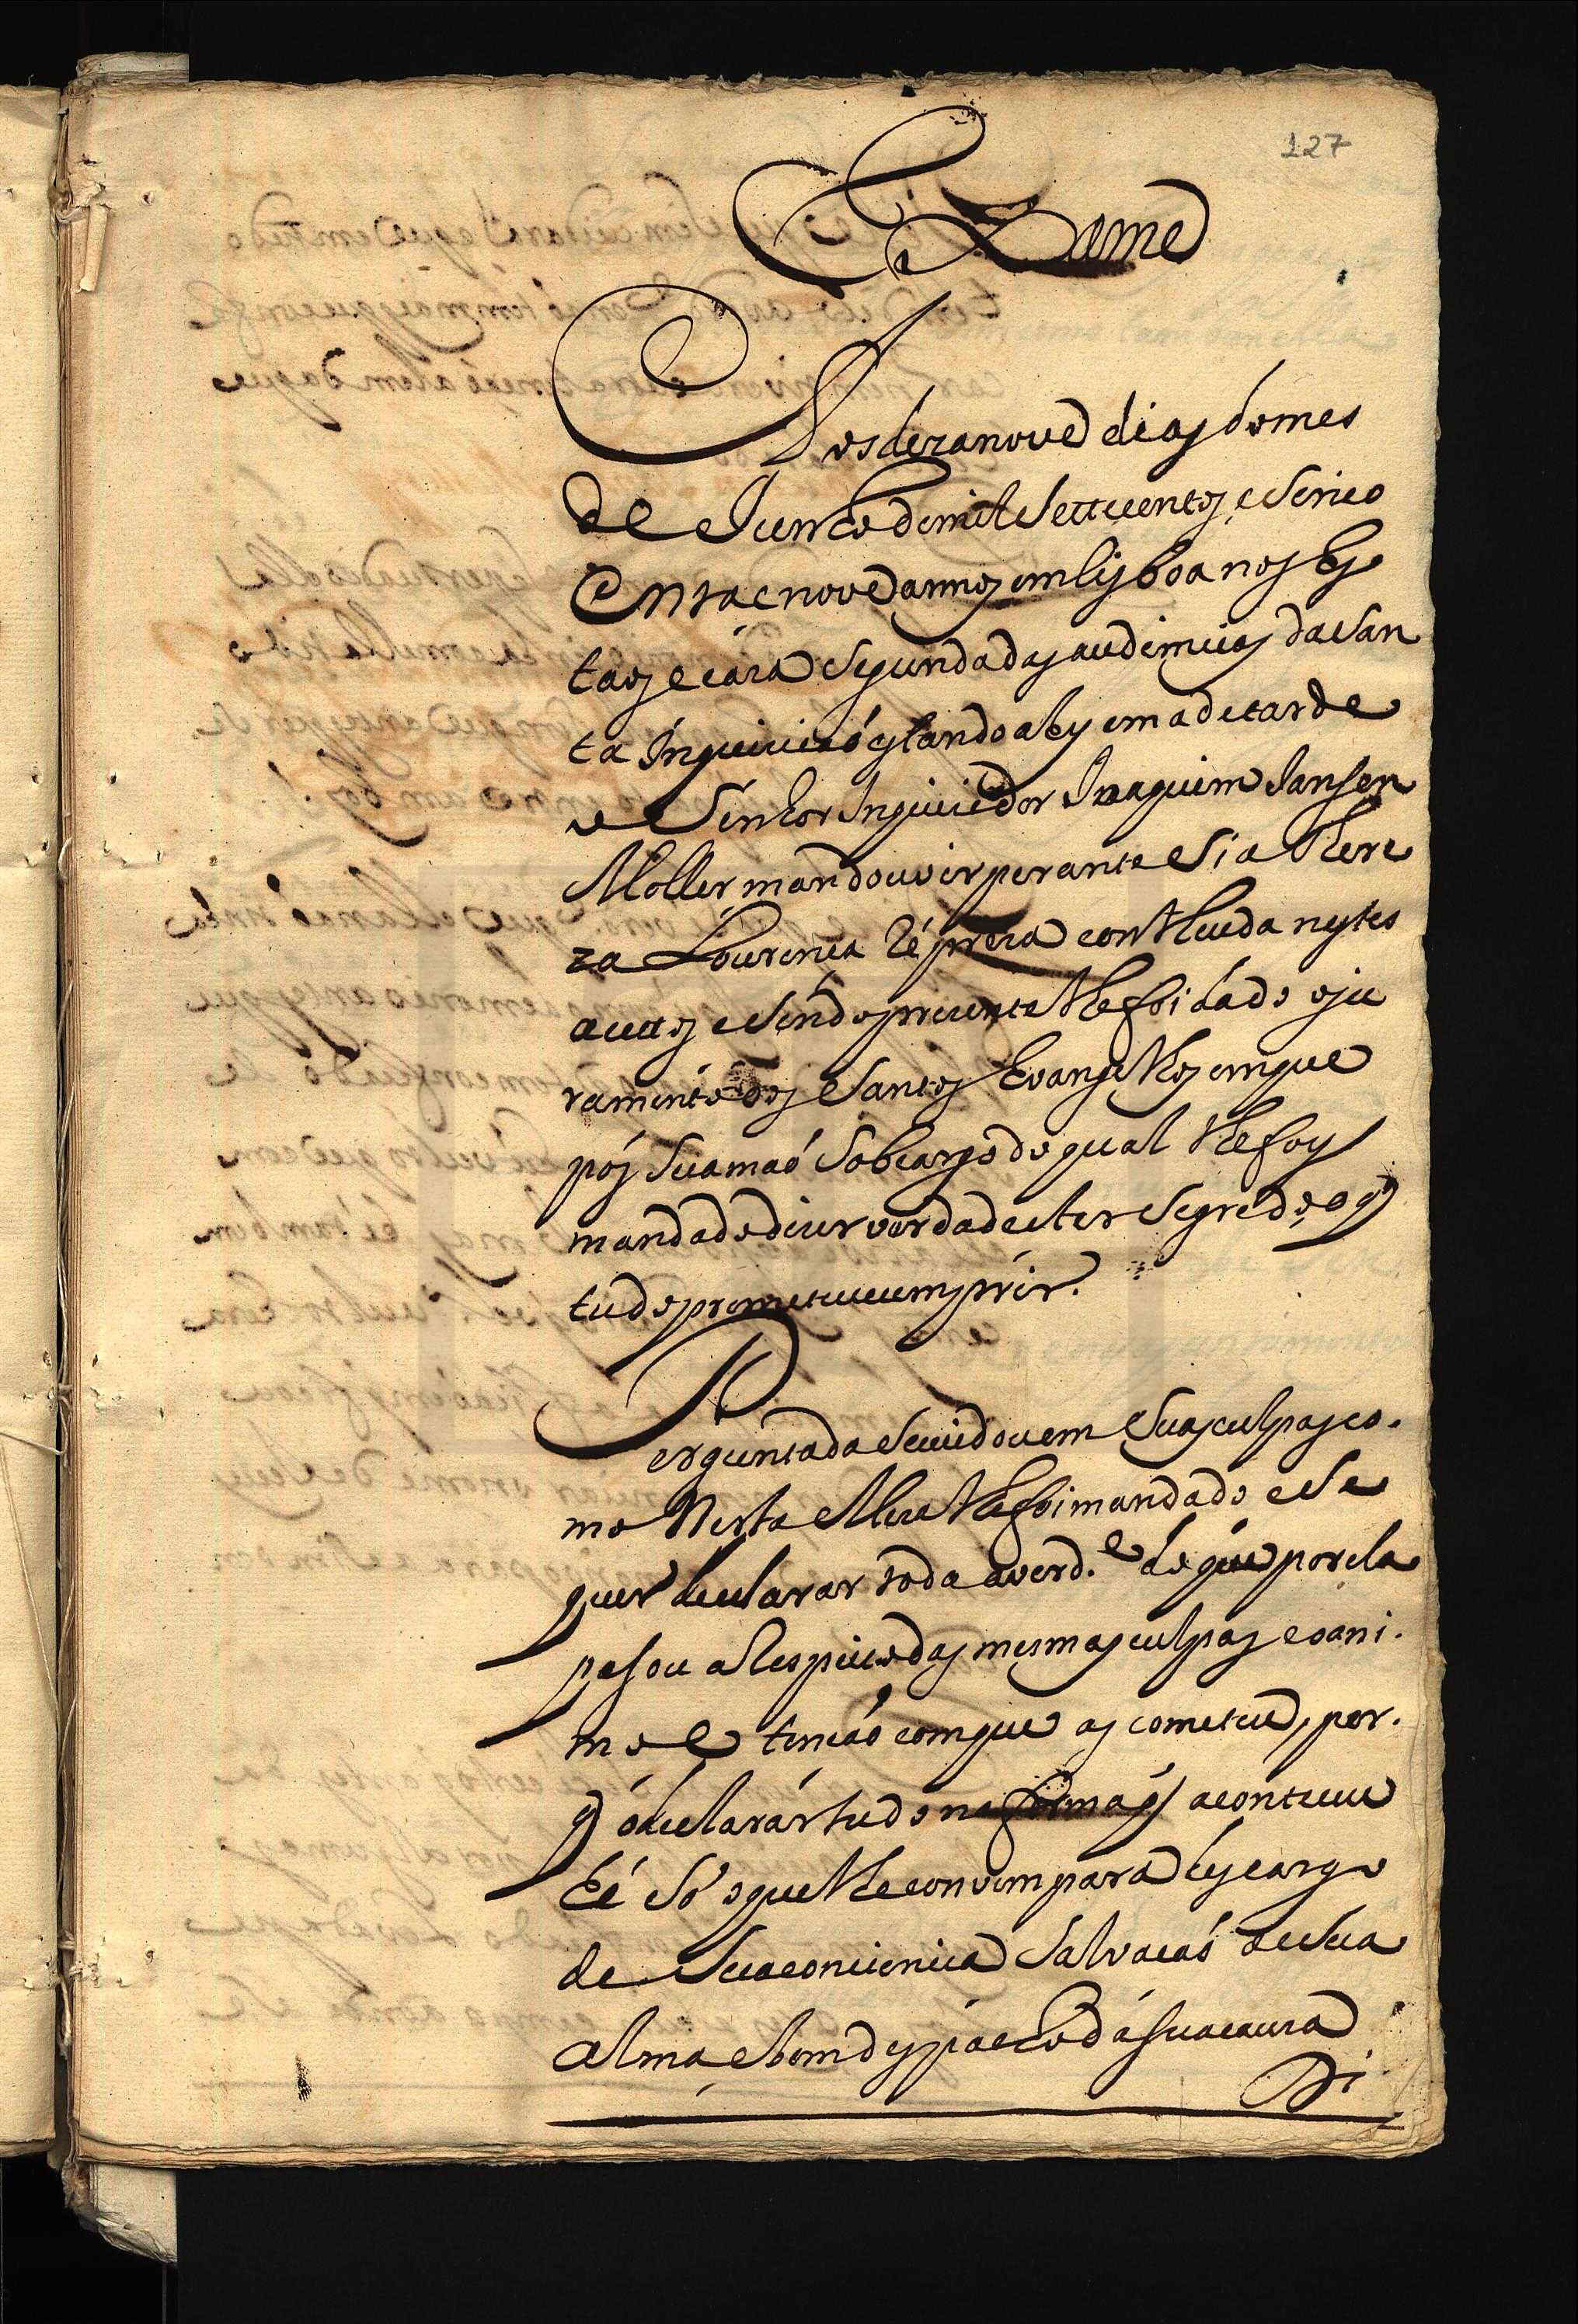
EXame
Aos dezanove dias do mes
de Iunho de mil Settecentos, e Sinco
enta e nove annos em lisboa nos Es
taos e caza segunda das audimcias da san
ta Inquizicaõ estando ahy em a de tarde
o Senhor Inquizidor Ioaquim Iansen
Moller, mandou vir perante Si a There
za Lourença Ré preza contheuda nestes
auttos, e sendo prezente lhe foi dado o ju
ramento aos Santos Evangelhos em que
pós Sua maõ Sob cargo do qual lhe foy
mandado dizer verdade ter Segredo, o q̄
tudo prometeu cumprir.
Perguntada Se cuidou em Suas culpas co
mo Nesta Meza lhe foi mandado, e Se
quer declarar toda a verd.e do que por ela
pasou a Respeito das mesmas culpas e o ani
mo, e tenção com que as cometeu, por
q̄ o declarar tudo na forma q̄ aconteceu
hé Só o que lhe convem para descargo
de Sua conciencia Salvaçaõ de Sua
alma, e bom despacho da sua cauza
Di
